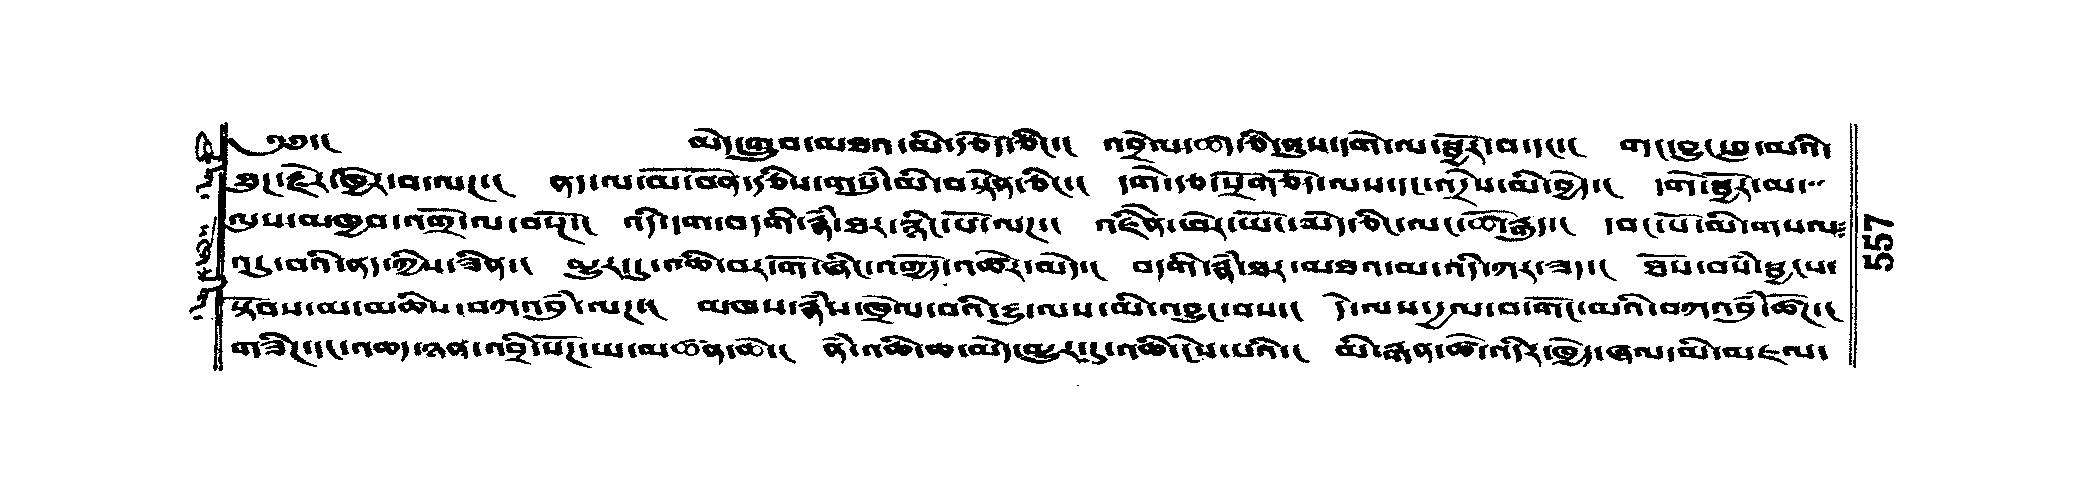མེད་གྲུབ་མཐའ་མི་རྩོད་ཅིང་། །འབྲེལ་ཚད་ཅི་ནུས་དགེ་ལ་སྦྱོར་བ་དང་། །གང་བྱུང་བླ་མའི་
ཐུགས་རྗེར་ཁྱེར་བ་ལགས། །ནད་ལ་མོ་བོན་རྩིས་གསུམ་མི་བསྟེན་ཅིང་། །དགེ་རྩ་སྲོག་གཅོད་ལས་དང་འདྲེས་མི་བྱེད། །དགེ་སྦྱོར་མ་
ལུས་མཁའ་ཁྱབ་འགྲོ་ལ་བསྔོ། །འདི་དག་བདག་གི་རྣམ་ཐར་སྙིང་པོ་ལགས། །འཇིག་རྟེན་ཕེར་ཡོང་མེད་ཅིང་ལང་ཚོ་རྒུད། །དབང་པོ་མི་གསལ་
འདུ་བའི་ནད་ཀྱིས་ཟིན། །མྱུར་དུ་འཆི་བར་གོ་ཞིང་འགྱོད་འཚེར་མེད། །བདག་གི་རྣམ་ཐར་མཐའ་མ་འདི་ཀར་ཟད། །ཐོས་བསམ་སྦྱངས་
སྟོབས་མ་མཆིས་བཀའ་འབུམ་ལགས། །མཁས་རྣམས་ཁྲེལ་བའི་རྒྱུ་ལས་མི་འབྱུང་བས། །དེ་ལས་རྒྱལ་བ་གོང་མའི་བཀའ་འབུམ་ཚོགས། །
གཟིགས་དང་འཆད་ཉན་འབྲི་སོགས་ཡ་མཚན་ཆེ། །ནམ་འཆི་ཆ་མེད་མྱུར་དུ་འཆི་ངེས་པའི། །མི་རྒན་ཚེ་འདི་ཁྱེད་ཞལ་མི་མཇལ་གྱི།